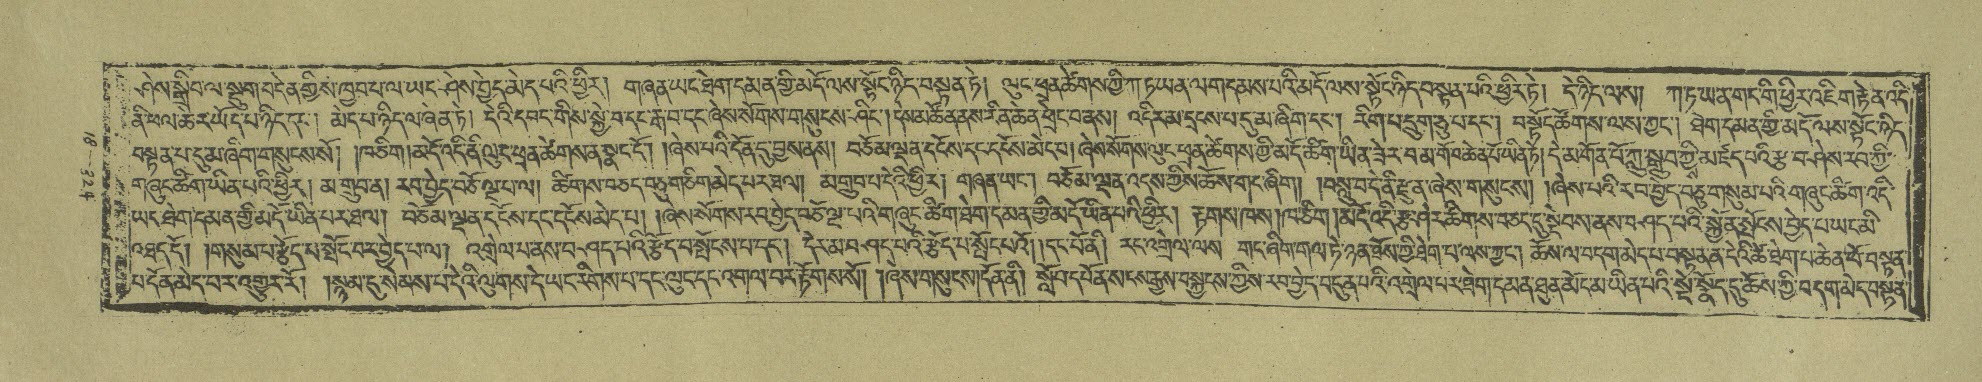ཤེས་སྒྲིབ་ལ་སྡུག་བདེན་གྱིས་ཁྱབ་པ་ལ་ཡང་ཤེས་བྱེད་མེད་པའི་ཕྱིར། གཞན་ཡང་ཐེག་དམན་གྱི་མདོ་ལས་སྟོང་ཉིད་བསྟན་ཏེ། ལུང་ཕྲན་ཚེགས་ཀྱི་ཀ་ཏ་ཡན་ལ་གདམས་པའི་མདོ་ལས་སྟོང་ཉིད་བསྟན་པའི་ཕྱིར་ཏེ། དེ་ཉིད་ལས། ཀ་ཏ་ཡ་ན་གང་གི་ཕྱིར་འཇིག་རྟེན་འདི་
ནི་ཕལ་ཆེར་ཡོད་པ་ཉིད་དང་། མེད་པ་ཉིད་ལ་ཞེན་ཏེ། དེའི་དབང་གིས་སྐྱེ་བ་དང་རྒ་བ་དང་ཞེས་སོགས་གསུངས་ཤིང་། དེས་མཚོན་ནས་རིན་ཆེན་ཕྲེང་བ་ནས། འདིར་མ་དྲངས་པ་དུ་མ་ཞིག་དང་། རིག་པ་དྲུག་ཅུ་པ་དང་། བསྟོད་ཚོགས་ལས་ཀྱང་། ཐེག་དམན་གྱི་མདོ་ལས་སྟོང་ཉིད་
བསྟན་པ་དུ་མ་ཞིག་གསུངས་སོ། །ཁ་ཅིག །མདོ་འདི་ནི་ལུང་ཕྲན་ཚེགས་ན་སྣང་ངོ། །ཞེས་པའི་དོན་དུ་བྱས་ནས། བཅོམ་ལྡན་དངོས་དང་དངོས་མེད་པ། ཞེས་སོགས་ལུང་ཕྲན་ཚེགས་ཀྱི་མདོ་ཚིག་ཡིན་ཟེར་བ་མ་གོ་བ་ཆེན་པོ་ཡིན་ཏེ། དེ་མགོན་པོ་ཀླུ་སྒྲུབ་ཀྱིས་མཛད་པའི་རྩ་བ་ཤེས་རབ་ཀྱི་
གཞུང་ཚིག་ཡིན་པའི་ཕྱིར། མ་གྲུབ་ན། རབ་བྱེད་བཅོ་ལྔ་པ་ལ། ཚིགས་བཅད་བཅུ་གཅིག་མེད་པར་ཐལ། མ་གྲུབ་པ་དེའི་ཕྱིར། གཞན་ཡང་། བཅོམ་ལྡན་འདས་ཀྱིས་ཆོས་གང་ཞིག །བསླུ་བ་དེ་ནི་རྫུན་ཞེས་གསུངས། །ཞེས་པའི་རབ་བྱེད་བཅུ་གསུམ་པའི་གཞུང་ཚིག་འདི་
ཡང་ཐེག་དམན་གྱི་མདོ་ཡིན་པར་ཐལ། བཅོམ་ལྡན་དངོས་དང་དངོས་མེད་པ། །ཞེས་སོགས་རབ་བྱེད་བཅོ་ལྔ་པའི་གཞུང་ཚིག་ཐེག་དམན་གྱི་མདོ་ཡིན་པའི་ཕྱིར། རྟགས་ཁས། ཁ་ཅིག །མདོ་འདི་རྩ་ཤེར་ཚིགས་བཅད་དུ་སྡེབས་ནས་བཤད་པའི་སྐྱོན་སྤོངས་བྱེད་པ་ཡང་མི་
འཐད་དོ། །གསུམ་པ་རྩོད་པ་སྤོང་བར་བྱེད་པ་ལ། འགྲེལ་པ་ནས་བཤད་པའི་རྩོད་པ་སྤོངས་པ་དང་། དེར་མ་བཤད་པའི་རྩོད་པ་སྤོང་བའོ། །དང་པོ་ནི། རང་འགྲེལ་ལས། གང་ཞིག་གལ་ཏེ་ཉན་ཐོས་ཀྱི་ཐེག་པ་ལས་ཀྱང་། ཆོས་ལ་བདག་མེད་པ་བསྟན་ན་དེའི་ཚེ་ཐེག་པ་ཆེན་པོ་བསྟན་
པ་དོན་མེད་པར་འགྱུར་རོ། །སྙམ་དུ་སེམས་པ་དེའི་ལུགས་དེ་ཡང་རིགས་པ་དང་ལུང་དང་འགལ་བར་རྟོགས་སོ། །ཞེས་གསུངས། དོན་ནི། སློབ་དཔོན་སངས་རྒྱས་བསྐྱངས་ཀྱིས་རབ་བྱེད་བདུན་པའི་འགྲེལ་པར་ཐེག་དམན་ཐུན་མོང་མ་ཡིན་པའི་སྡེ་སྣོད་དུ་ཆོས་ཀྱི་བདག་མེད་བསྟན་